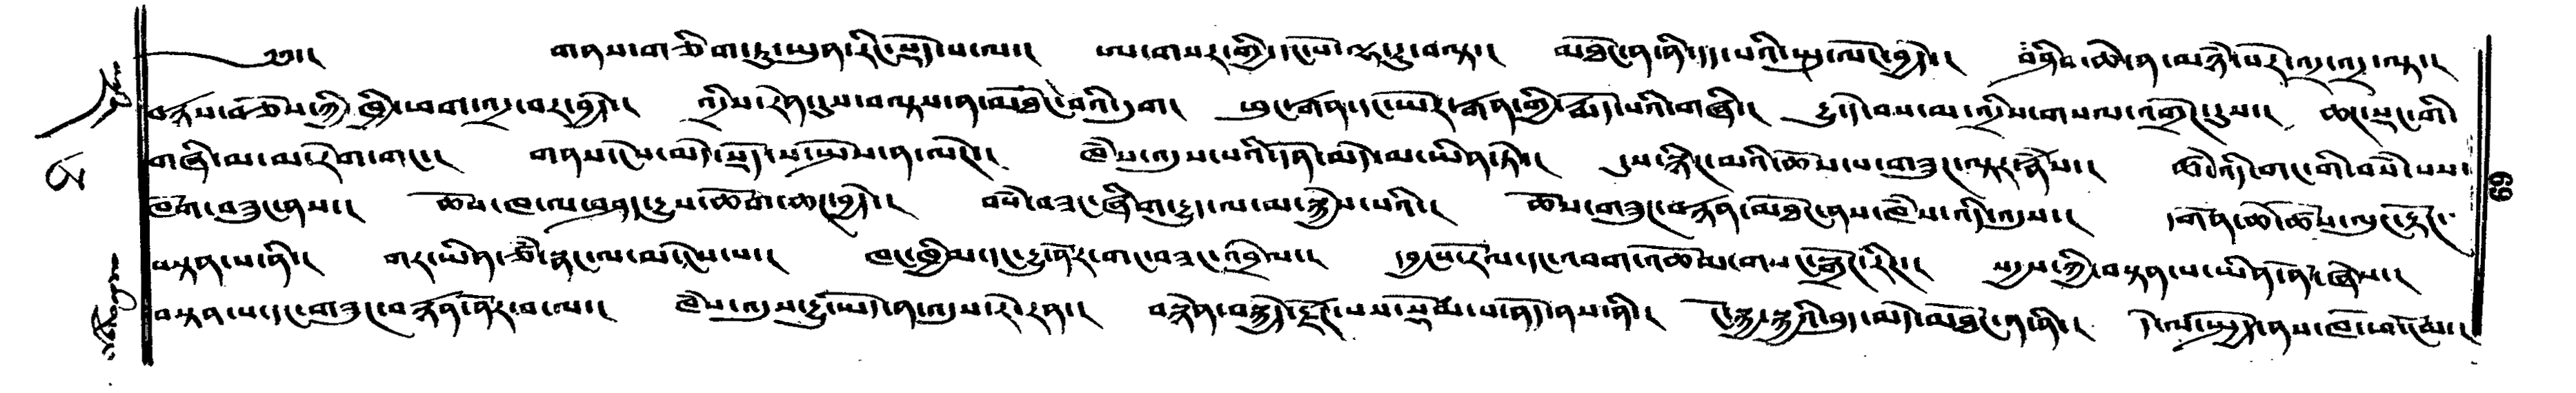།གནས་གཅིག་ཏུ་ཡུན་རིང་སྡོད་པ་ལ། །ཨ་གསར་གྱིས་དང་པོ་ལྷ་རུ་བལྟ། །མཐོང་ན་ནི་དད་པའི་སྤུ་ལོང་བྱེད། །གཤིབས་ཆེ་ན་མཉམ་པོར་འདྲ་འདྲ་ལྟ། །
བརྙས་བཅོས་ཀྱི་ཁྱི་ཕག་འདྲ་བར་བྱེད། །འདྲིས་རན་དུས་བལྟས་ན་མཐོང་བའི་དུག །ཕུང་རྒན་དང་ཡོར་རྒན་གྱིས་སྨོད་པའི་གཞི། །རྒྱུ་དེ་བས་མ་འདྲིས་གསར་འགྲོགས་དུས། །ཆགས་སྡང་གི་
གཞི་མ་མ་གནང་རོགས། །གནས་ངེས་མེད་སྡོད་ས་སྤོས་ན་ལེགས། ཁམས་འདུས་པ་དོན་མེད་མ་ཡིན་ཏེ། །དུས་སྙིགས་མའི་ཆོས་པ་གཟུགས་ལྟར་རྣམས། །ཚེ་འདི་གང་གི་བསམ་པས་
ཁོག་བཟུང་ནས། །ཆོས་ཁ་ལ་བཤད་རྒྱུས་ཆོག་ཆགས་བྱེད། །བསམ་བཟང་ཞིག་རྒྱུད་ལ་མ་སྐྱེས་པའི། །ཆོས་གཟུགས་བརྙན་མཐོང་ནས་ཁམས་འདི་འདུས། དགོན་ཆེན་ཚོས་ལུང་རྟོགས་
བསྟན་པ་ནི། །གར་ཡིན་ཙམ་སྣང་ལ་མ་ངེས་པ། ཁང་ཁྱིམ་དང་རྒྱུ་ནོར་གང་བཟང་འབྲེལ། དབྱངས་རོལ་དང་འབག་འཆམ་གསང་སྒྲོག་རིགས། །སངས་རྒྱས་ཀྱི་བསྟན་པ་ཡིན་ནོ་ཞེས། །
བསྟན་པ་དང་གཟུགས་བརྙན་ནོར་བ་ལ།ཁམས་འདུས་རྒྱུ་ཡོད་ན་འདུས་རེ་རན། །བསྙེན་བསྐྱེད་རྫོགས་པས་སྡོམ་པ་མནོས་ནས་ནི། །ངོ་སྐྱ་སྐྱའི་བུད་མེད་མཐོང་ན་ནི། །དེ་ལ་སྤྱད་ནས་ཁ་ཕོ་ངོམ།